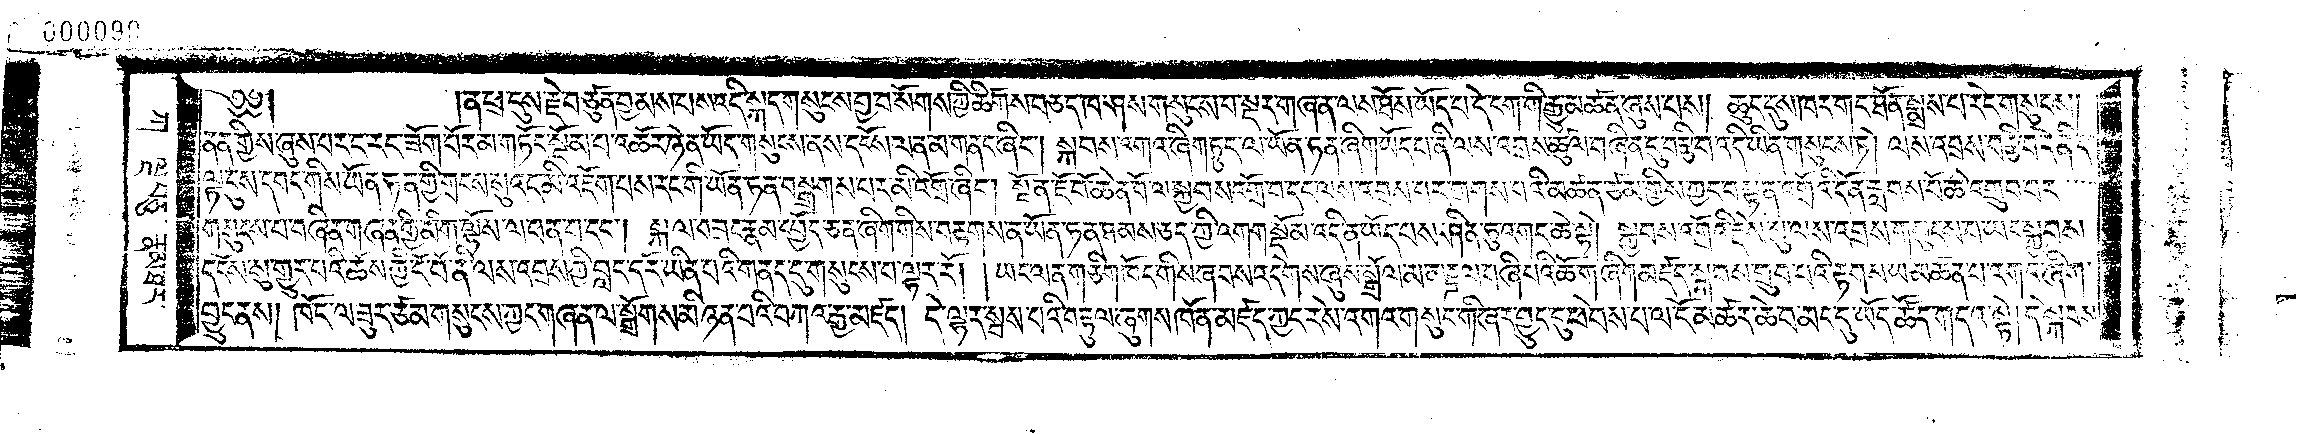༄༅། །ན་ཕྲ་དུས་རྗེ་བཙུན་བྱམས་པས་འདི་སྐད་གསུངས་བྱ་བ་སོགས་ཀྱི་ཚིགས་བཅད་ཁ་ཤས་གསུངས་པ་སྔར་གཞན་ལས་ཐོས་ཡོད་པ་དེ་དག་གི་རྒྱུ་མཚན་ཞུས་པས། ཆུང་དུས་ཁར་གང་ཐོན་སྨྲས་པ་རེད་གསུངས།
ནན་གྱིས་ཞུས་པར་ང་རང་ཟོག་པོར་མ་གཏོང་སྡོམ་པ་འཆོར་ཉེན་ཡོད་གསུངས་ནས་དངོས་ལན་མ་གནང་ཞིང་། སྐབས་འགའ་ཞིག་ཏུ་ང་ལ་ཡོན་ཏན་ཞིག་ཡོད་པ་ནི་ལས་འབྲས་ཚུལ་བཞིན་དུ་བརྩི་བ་འདི་ཡིན་གསུངས་ཏེ། ལས་འབྲས་བརྩི་བ་དེ་ནི་ད་
ལྟ་དུས་དབང་གིས་ཡོན་ཏན་གྱི་གྲངས་སུའང་མི་འཇོག་པས་རང་གི་ཡོན་ཏན་བསྒྲགས་པར་མི་འགྲོ་ཞིང་། སྔོན་ཇོ་བོ་ཆེན་པོ་ལ་སྐྱབས་འགྲོ་བ་དང་ལས་འབྲས་པར་གྲགས་པའི་མཚན་ཙམ་གྱིས་ཀྱང་བསྟན་འགྲོའི་དོན་རླབས་པོ་ཆེ་འགྲུབ་པར་
གསུངས་པ་བཞིན་གཞན་གྱི་མིག་ལྟོས་ལ་ཕན་པ་དང་། སྐལ་བཟང་རྣམ་དཔྱོད་ཅན་ཞིག་གིས་བརྟགས་ན་ཡོན་ཏན་ཐམས་ཅད་ཀྱི་འགག་སྡོམ་འདི་ན་ཡོད་པས་ཤིན་ཏུ་འགང་ཆེ་སྟེ། སྐྱབས་འགྲོའི་རྗེས་སུ་ལས་འབྲས་གསུངས་པ་ཡང་སྐྱབས་
དངོས་སུ་གྱུར་པའི་ཆོས་ཀྱི་ངོ་བོ་ནི་ལས་འབྲས་ཀྱི་བླང་དོར་ཡིན་པའི་གནད་དུ་གསུངས་པ་ལྟར་རོ། །ཡང་ལན་གཅིག་ཁོང་གིས་ཞབས་འདེགས་ཞུས་སྒྲོལ་མ་མཎྜལ་བཞི་པའི་ཆོ་ག་ཞིག་མཛད་སྐབས་གྲུབ་པའི་རྟགས་ཡ་མཚན་པ་འགའ་ཞིག་
བྱུང་ནས། ཁོང་ལ་ཟུར་ཙམ་གསུངས་ཀྱང་གཞན་ལ་སྒྲོགས་མི་ཉན་པའི་བཀའ་རྒྱ་མཛད། དེ་ལྟར་སྦས་པའི་བརྟུལ་ཞུགས་ཁོ་ན་མཛད་ཀྱང་རེས་འགའ་གསུང་གི་ཞར་བྱུང་དུ་ཕེབས་པ་ལ་ངོ་མཚར་ཆེ་བ་མང་དུ་ཡོད་ཚོད་དགའ་སྟེ། དེ་སྐབས་